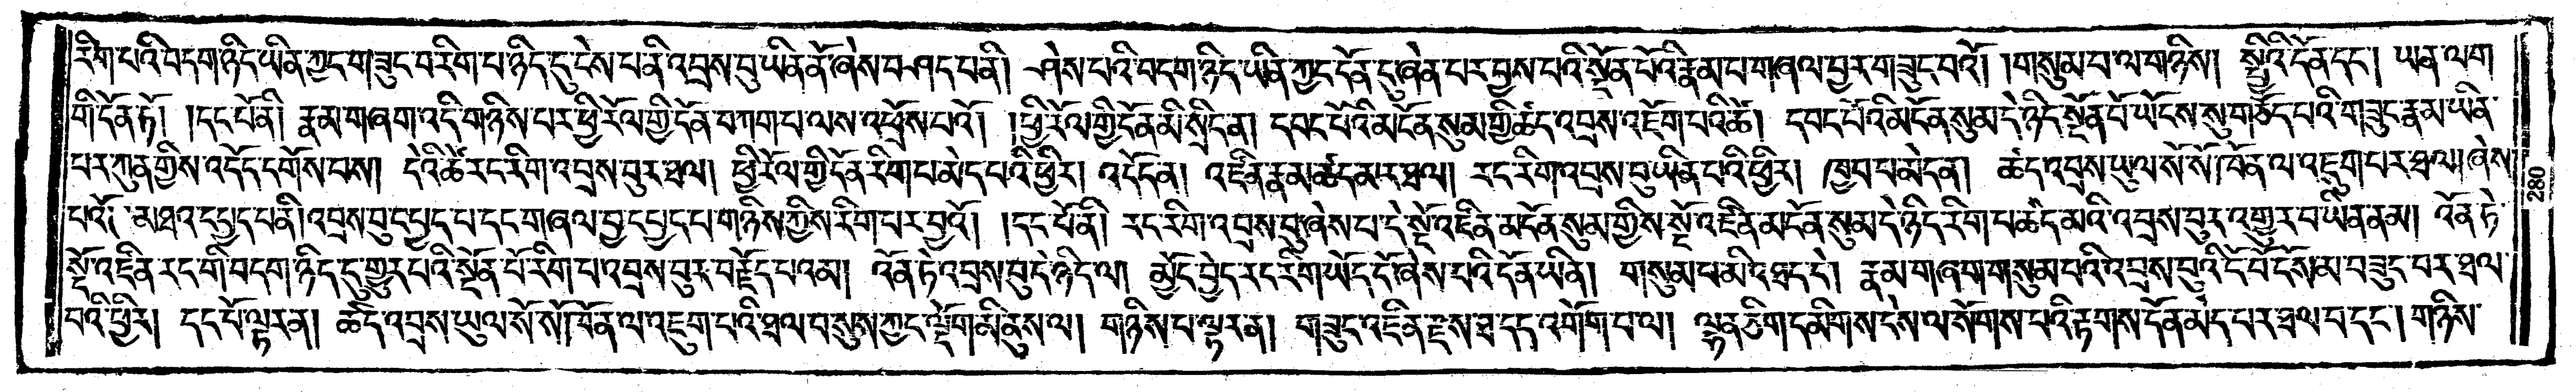རིག་པའི་བདག་ཉིད་ཡིན་ཀྱང་གཟུང་བ་རིག་པ་ཉིད་དུ་ངེས་པ་ནི་འབྲས་བུ་ཡིན་ནོ་ཞེས་བཤད་པ་ནི། ཤེས་པའི་བདག་ཉིད་ཡིན་ཀྱང་དོན་དུ་ཞེན་པར་བྱས་པའི་སྔོན་པོའི་རྣམ་པ་གཞལ་བྱར་གཟུང་བའོ། །གསུམ་པ་ལ་གཉིས། སྤྱིའི་དོན་དང་། ཡན་ལག་
གི་དོན་ཏོ། །དང་པོ་ནི། རྣམ་གཞག་འདི་གཉིས་པར་ཕྱི་རོལ་གྱི་དོན་བཀག་པ་ལས་འཕྲོས་པའོ། །ཕྱི་རོལ་གྱི་དོན་མི་སྲིད་ན། དབང་པོའི་མངོན་སུམ་གྱི་ཚད་འབྲས་འཇོག་པའི་ཚེ། དབང་པོའི་མངོན་སུམ་དེ་ཉིད་སྔོན་པོ་ཡོངས་སུ་གཅོད་པའི་གཟུང་རྣམ་ཡིན་
པར་ཀུན་གྱིས་འདོད་དགོས་པས། དེའི་ཚེ་རང་རིག་འབྲས་བུར་ཐལ། ཕྱི་རོལ་གྱི་དོན་རིག་པ་མེད་པའི་ཕྱིར། འདོད་ན། འཛིན་རྣམ་ཚད་མར་ཐལ། རང་རིག་འབྲས་བུ་ཡིན་པའི་ཕྱིར། ཁྱབ་པ་མེད་ན། ཚད་འབྲས་ཡུལ་སོ་སོ་ཁོ་ན་ལ་འཇུག་པར་ཐལ། ཞེས་
པའོ། །མཐའ་དཔྱད་པ་ནི། འབྲས་བུ་དཔྱད་པ་དང་གཞལ་བྱ་དཔྱད་པ་གཉིས་ཀྱིས་རིག་པར་བྱའོ། །དང་པོ་ནི། རང་རིག་འབྲས་བུ་ཞེས་པ་དེ་སྔོ་འཛིན་མངོན་སུམ་གྱིས་སྔོ་འཛིན་མངོན་སུམ་དེ་ཉིད་རིག་པ་ཚད་མའི་འབྲས་བུར་འགྱུར་བ་ཡིན་ནམ། འོན་ཏེ་
སྔོ་འཛིན་རང་གི་བདག་ཉིད་དུ་གྱུར་པའི་སྔོན་པོ་རིག་པ་འབྲས་བུར་བརྗོད་པའམ། འོན་ཏེ་འབྲས་བུ་དེ་ཉིད་ལ། མྱོང་བྱེད་རང་རིག་ཡོད་དོ་ཞེས་པའི་དོན་ཡིན། གསུམ་པ་མི་འཐད་དེ། རྣམ་གཞག་གསུམ་པའི་འབྲས་བུའི་ངོ་བོ་ངོས་མ་བཟུང་བར་ཐལ་
བའི་ཕྱིར། དང་པོ་ལྟར་ན། ཚད་འབྲས་ཡུལ་སོ་སོ་ཁོ་ན་ལ་འཇུག་པའི་ཐལ་བ་སུས་ཀྱང་ལྡོག་མི་ནུས་ལ། གཉིས་པ་ལྟར་ན། གཟུང་འཛིན་རྫས་ཐ་དད་འགོག་པ་ལ། ལྷན་ཅིག་དམིགས་ངེས་ལ་སོགས་པའི་རྟགས་དོན་མེད་པར་ཐལ་བ་དང་། གཉིས་